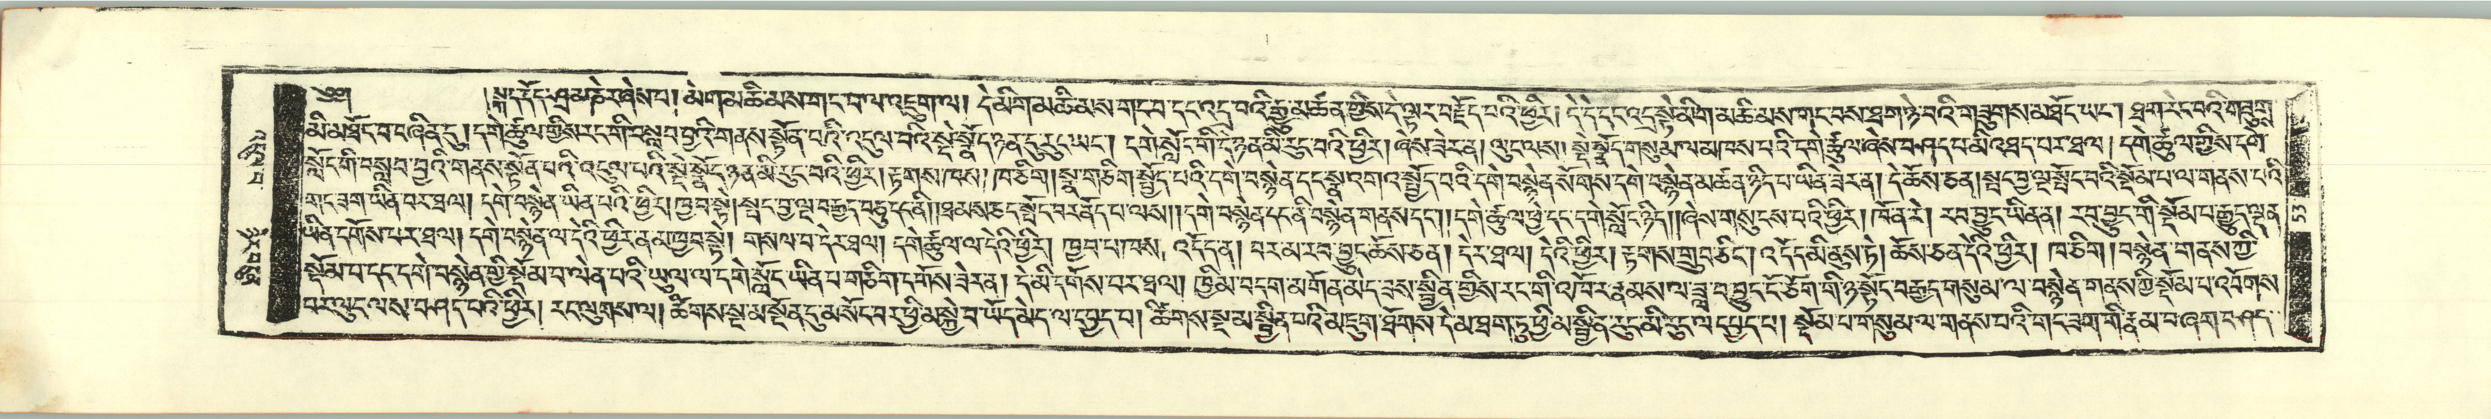༄༅། །སྐད་དོད་ཤྲ་མ་ཎེར་ཞེས་པ། མིག་མཆི་མས་གང་བ་ལ་འཇུག་ལ། དེ་མིག་མཆི་མས་གང་བ་དང་འདྲ་བའི་རྒྱུ་མཚན་གྱིས་དེ་ལྟར་བརྗོད་པའི་ཕྱིར། དེ་དེ་དང་འདྲ་སྟེ་མིག་མཆི་མས་གང་བས་ཐག་ཉེ་བའི་གཟུགཅ་མཐོང་ཡང་། ཐག་རེང་བའི་གཟུགས་
མི་མཐོང་བ་བཞིན་དུ། དགེ་ཚུལ་གྱིས་རང་གི་བསླབ་བྱའི་གནས་སྟོན་པའི་འདུལ་བའི་སྡེ་སྣོད་ཉན་དུ་རུང་ཡང་། དགེ་སློང་གི་དེ་ཉན་མི་རུང་བའི་ཕྱིར། ཞེས་ཟེར་ན། ལུང་ལས། སྡེ་སྣོད་གསུམ་ལ་མཁས་པའི་དགེ་ཚུལ་ཞེས་བཤད་པ་མི་འཐད་པར་ཐལ། དགེ་ཚུལ་གྱིས་དགེ་
སློང་གི་བསླབ་བྱའི་གནས་སྟོན་པའི་འདུལ་བའི་སྡེ་སྣོད་ཉན་མི་རུང་བའི་ཕྱིར། རྟགས་ཁས། ཁ་ཅིག །སྣ་གཅིག་སྤྱོད་པའི་དགེ་བསྙེན་དང་སྣ་འགའ་སྤྱོད་བའི་དགེ་བསྙེན་སོགས་དགེ་བསྙེན་མཚན་ཉིད་པ་ཡིན་ཟེར་ན། དེ་ཆོས་ཅན། སྤང་བྱ་ལྔ་སྤོང་བའི་སྡོམ་པ་ལ་གནས་པའི་
གང་ཟག་ཡིན་པར་ཐལ། དགེ་བསྙེན་ཡིན་པའི་ཕྱིར། ཁྱབ་སྟེ། སྤང་བྱ་ལྔ་བརྒྱད་བཅུ་དང་ནི། །ཐམས་ཅད་སྤོང་བར་ནོད་པ་ལས། །དགེ་བསྙེན་དང་ནི་བསྙེན་གནས་དང་། །དགེ་ཚུལ་ཕྱེ་དང་དགེ་སློང་ཉིད། །ཞེས་གསུངས་པའི་ཕྱིར། ཁོ་ན་རེ། རབ་བྱུང་ཡིན་ན། རབ་བྱུང་གི་སྡོམ་པ་རྒྱུད་ལྡན་
ཡིན་དགོས་པར་ཐལ། དགེ་བསྙེན་ལ་དེའི་ཕྱིར་ན་མ་ཁྱབ་སྟེ། གསལ་བ་དེར་ཐལ། དགེ་ཚུལ་ལ་དེའི་ཕྱིར། ཁྱབ་པ་ཁས། འདོད་ན། བར་མ་རབ་བྱུང་ཆོས་ཅན། དེར་ཐལ། དེའི་ཕྱིར། རྟགས་གྲུབ་ཅིང་། འདོད་མི་ནུས་ཏེ། ཆོས་ཅན་དེའི་ཕྱིར། ཁ་ཅིག །བསྙེན་གནས་ཀྱི་
སྡོམ་པ་དང་དགེ་བསྙེན་གྱི་སྡོམ་པ་ལེན་པའི་ཡུལ་ལ་དགེ་སློང་ཡིན་པ་གཅིག་དགོས་ཟེར་ན། དེ་མི་དགོས་པར་ཐལ། ཁྱིམ་བདག་མགོན་མེད་ཟས་སྦྱིན་གྱིས་རང་གི་འཁོར་རྣམས་ལ་ཟླ་བ་བྱུང་ངོ་ཅོག་གི་ཉ་སྟོང་བརྒྱད་གསུམ་ལ་བསྙེན་གནས་ཀྱི་སྡོམ་པ་འབོགས་
པར་ལུང་ལས་བཤད་པའི་ཕྱིར། རང་ལུགས་ལ། ཚིགས་སྔ་མ་སྔོན་དུ་མ་སོང་བར་ཕྱི་མ་སྐྱེ་བ་ཡོད་མེད་ལ་དཔྱད་པ། ཚིགས་སྔ་མ་སྦྱིན་པའི་མཇུག་ཐོགས་དེ་མ་ཐག་ཏུ་ཕྱི་མ་སྦྱིན་རུང་མི་རུང་ལ་དཔྱད་པ། སྡོམ་པ་གསུམ་ལ་གནས་པའི་གང་ཟག་གི་རྣམ་བཞག་བཤད་